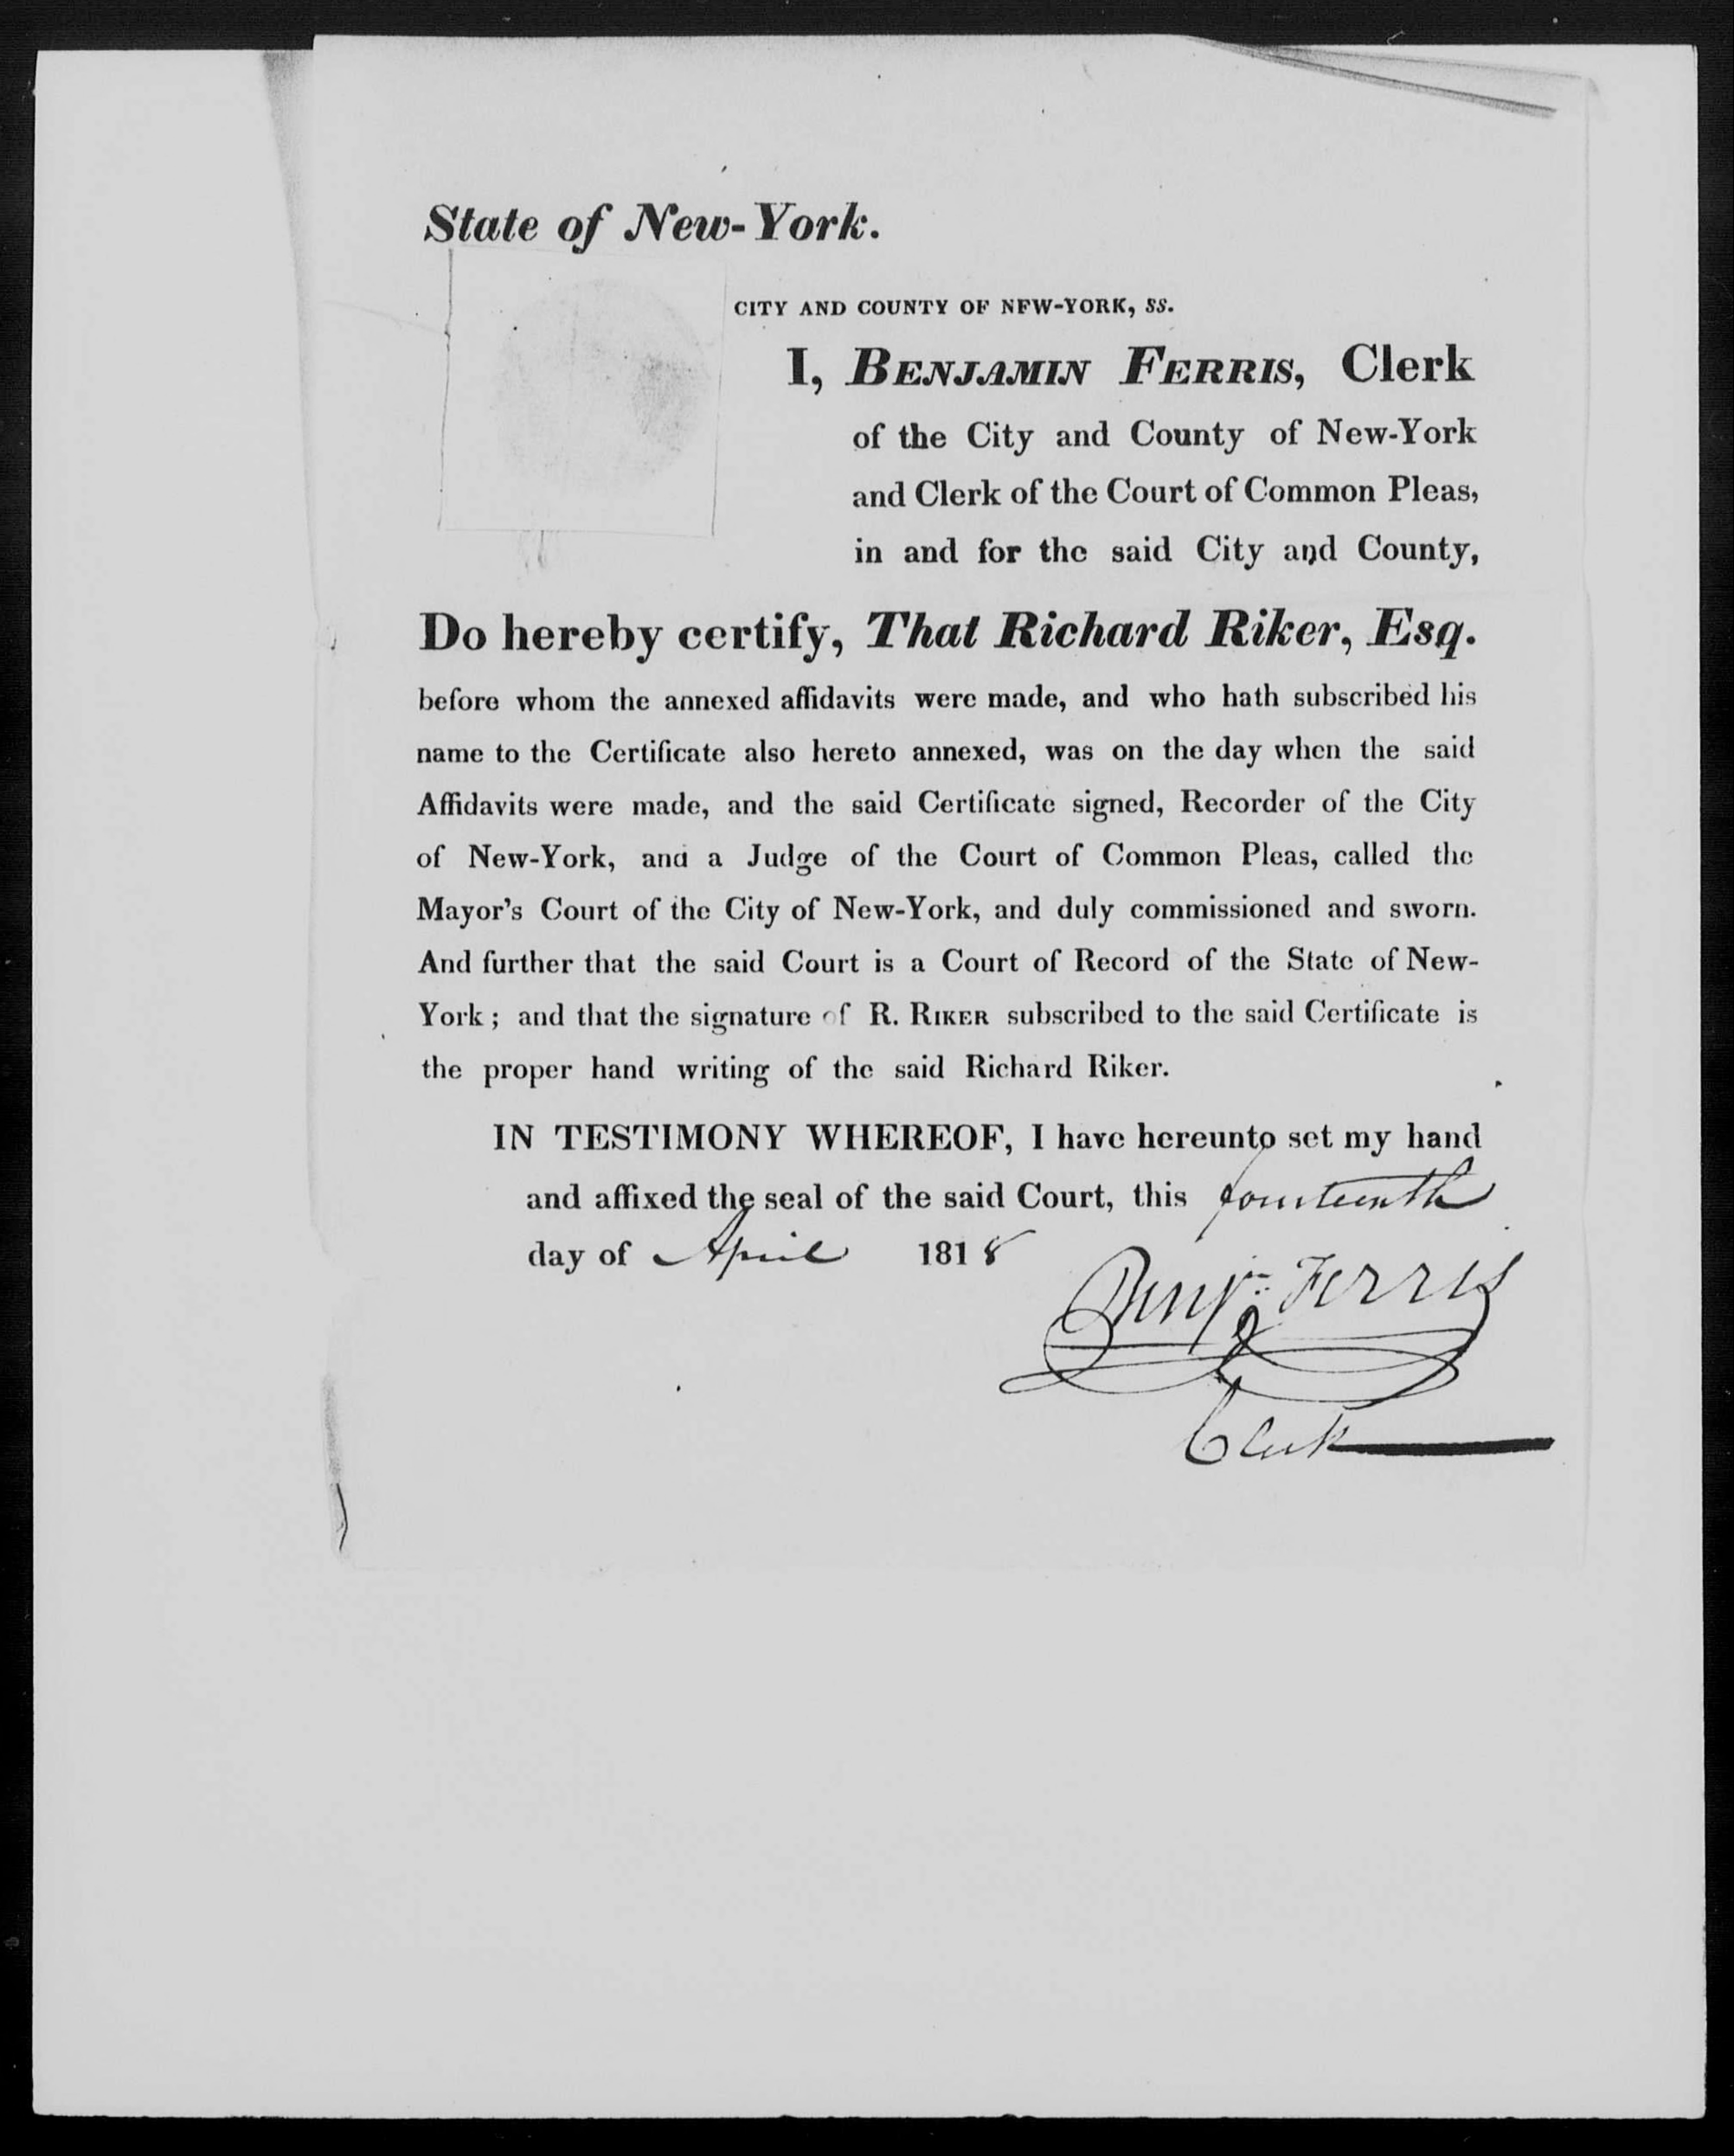State of New-York.
CITY AND COUNTY OF NEW-YORK, SS.
[circular raised seal. illegible]
I, BENJAMIN FERRIS, Clerk of the City and County of New-York and Clerk of the Court of Common Pleas, in and for the said City and County, Do hereby certify, That Richard Riker, Esq. before whom the annexed affidavits were made, and who hath subscribed his name to the Certificate also hereto annexed, was on the day when the said Affidavits were made, and the said Certificate signed, Recorder of the City of New-York, and a Judge of the Court of Common Pleas, called the Mayor's Court of the City of New-York, and duly commissioned and sworn. And further that the said Court is a Court of Record of the State of New-York; and that the signature of R. RIKER subscribed to the said Certificate is the proper hand writing of the said Richard Riker.
IN TESTIMONY WHEREOF, I have hereunto set my hand and affixed the seal of the said Court, this fourteenth day of April 1818
Benj [Benjamin] Ferris [signature]
Clerk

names: Richard Riker, Benjn Ferris, R Riker, Benjamin Ferris, Richard Riker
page: 33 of 39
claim: widow's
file: W. 2,056, Squire Ambler, Continental (Sol. Res. In N.Y. & Conn.)